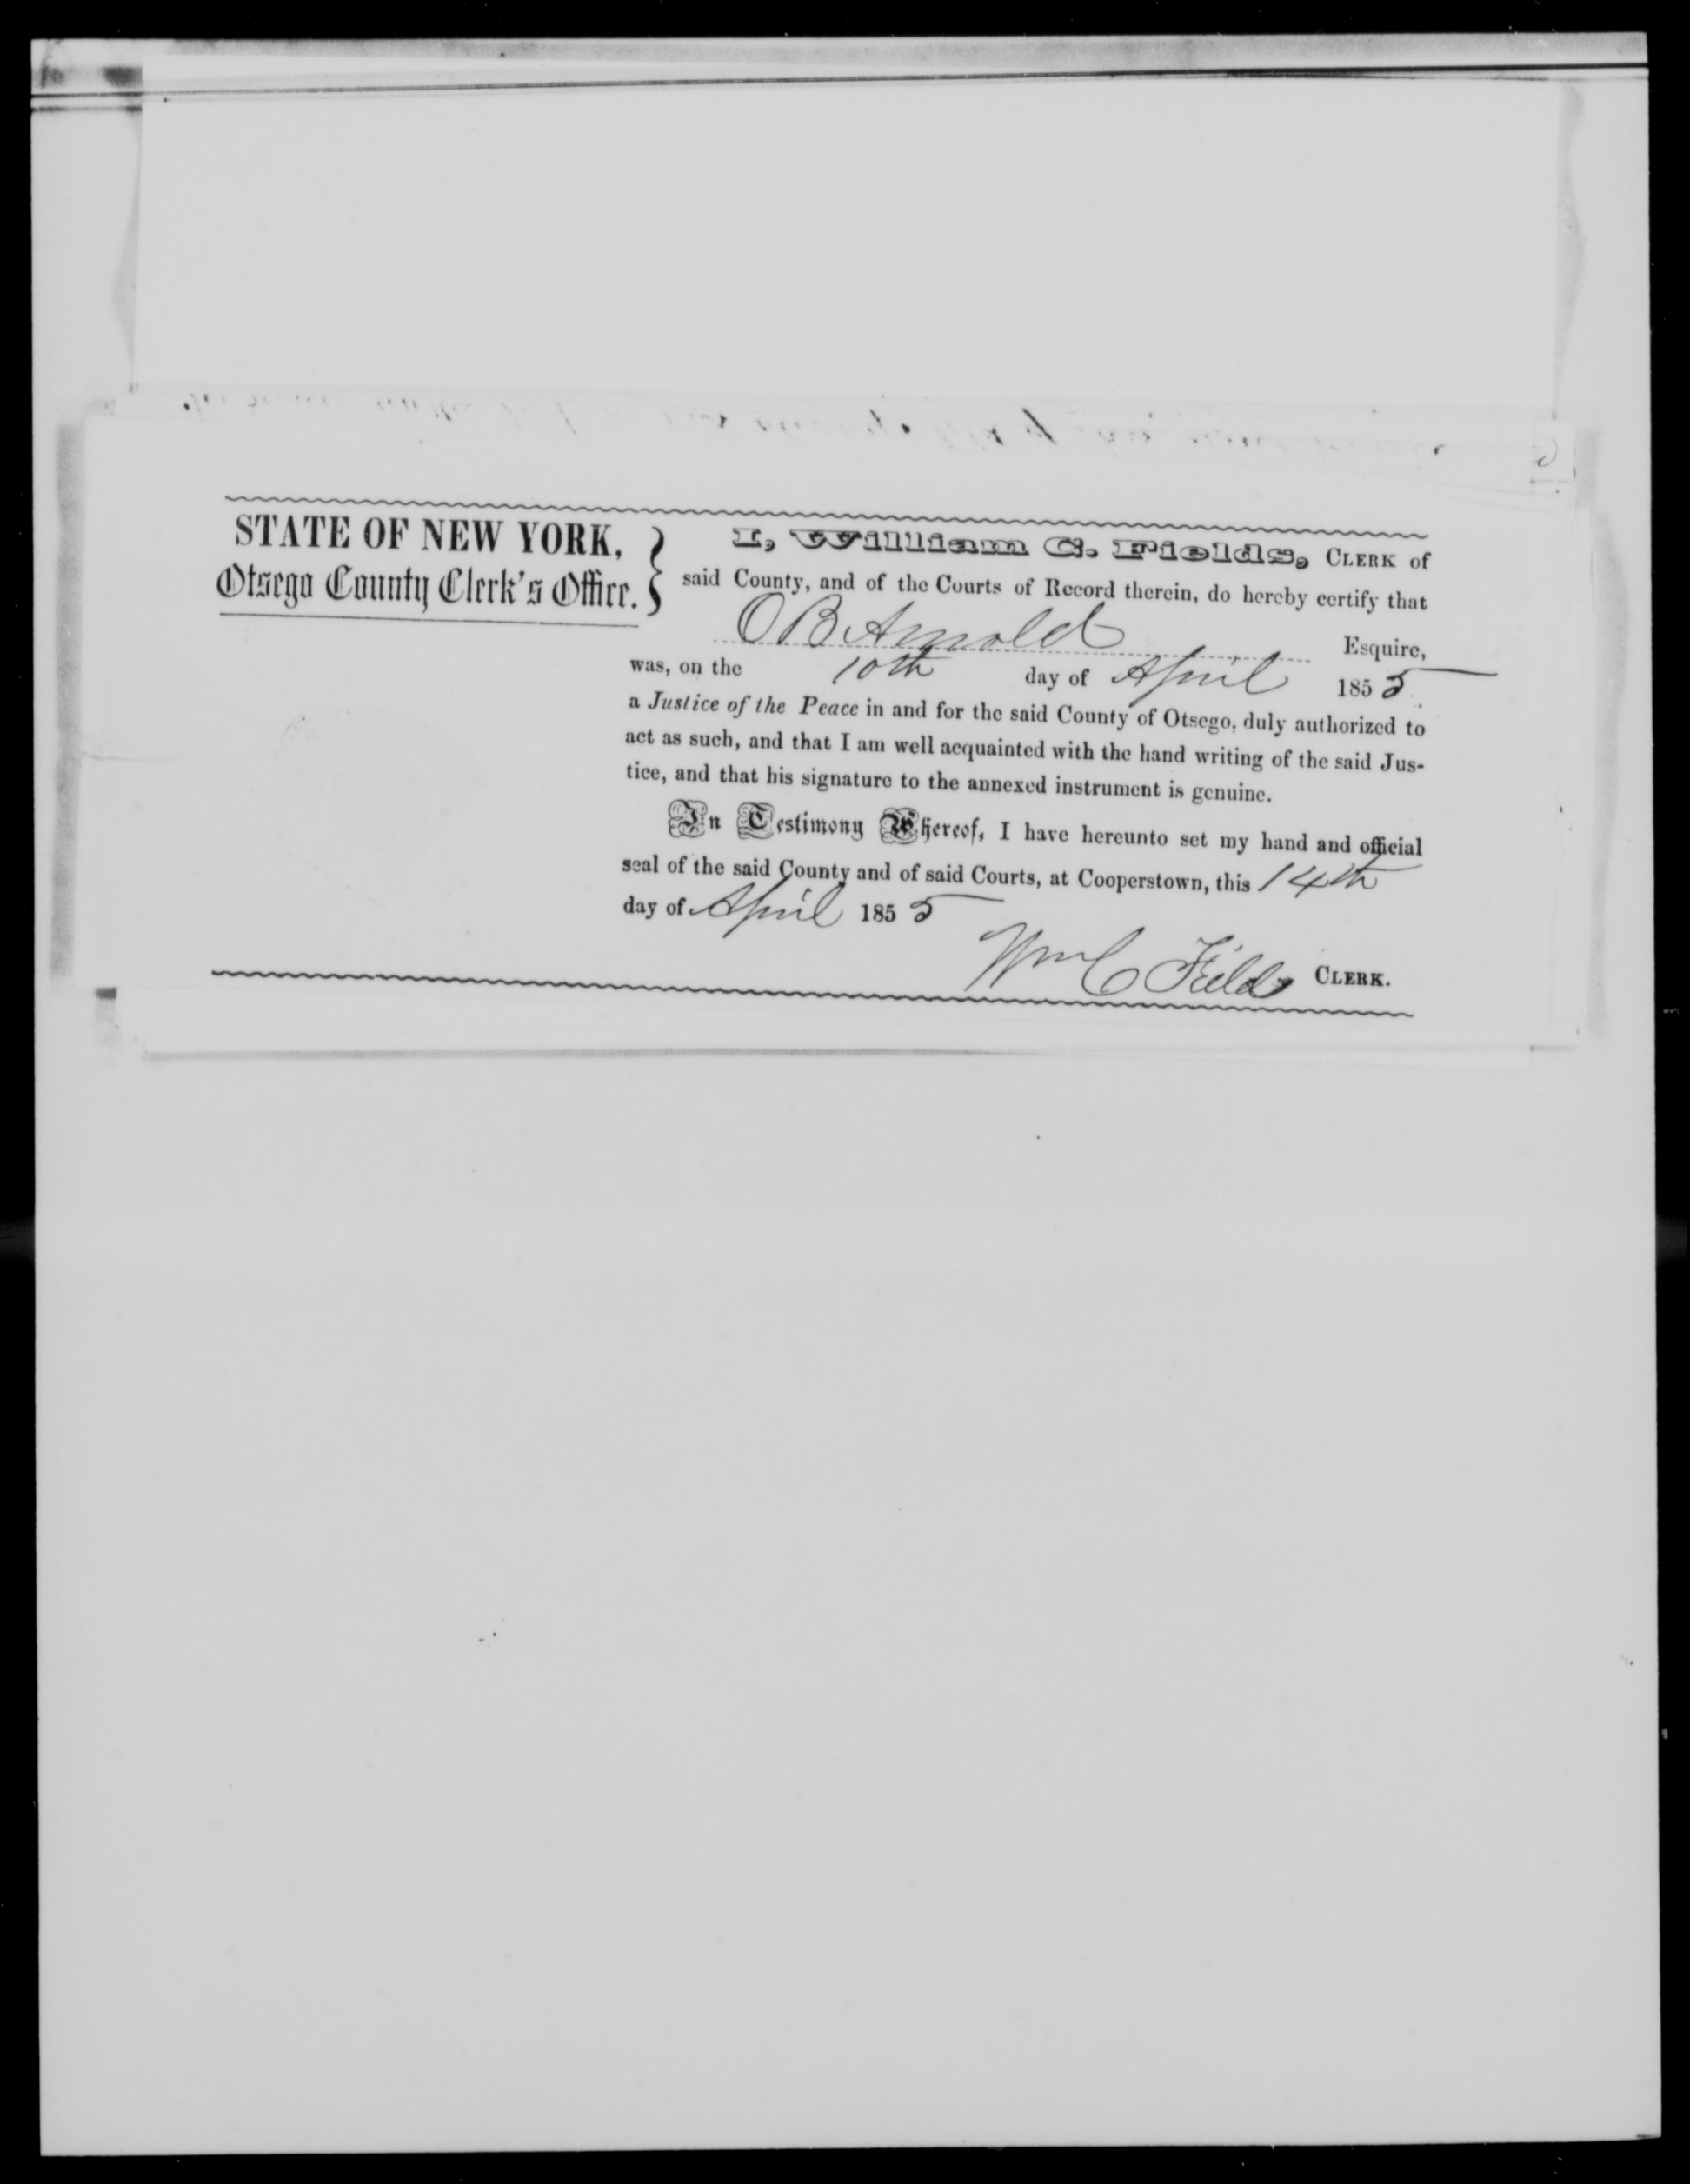STATE OF NEW YORK. Otsego County Clerk's Office.}I WILLIAM C. FIELDS, CLERK of said County, and of the Court of Record therein, do hereby certify that O B Arnold Esquire was, on the 10th day of April 1855 a Justice of the Peace in and for the said County of Otsego, duly authorized to act as such, and that I am well acquainted with the hand writing of the said Justice , and that his signature to the annexed instrument is genuine. 
In Testimony whereof I have hereunto set my hand and official seal of the said County and of said Courts, at Cooperstown, this 14th day of April 1855 
Wm C Field Clerk.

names: William C Fields; O B Arnold; Wm C Field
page: 8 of 29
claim: bounty land warrant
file: B.L.Wt.47987-160-55, for Benjamin Stillman, Rhode Island